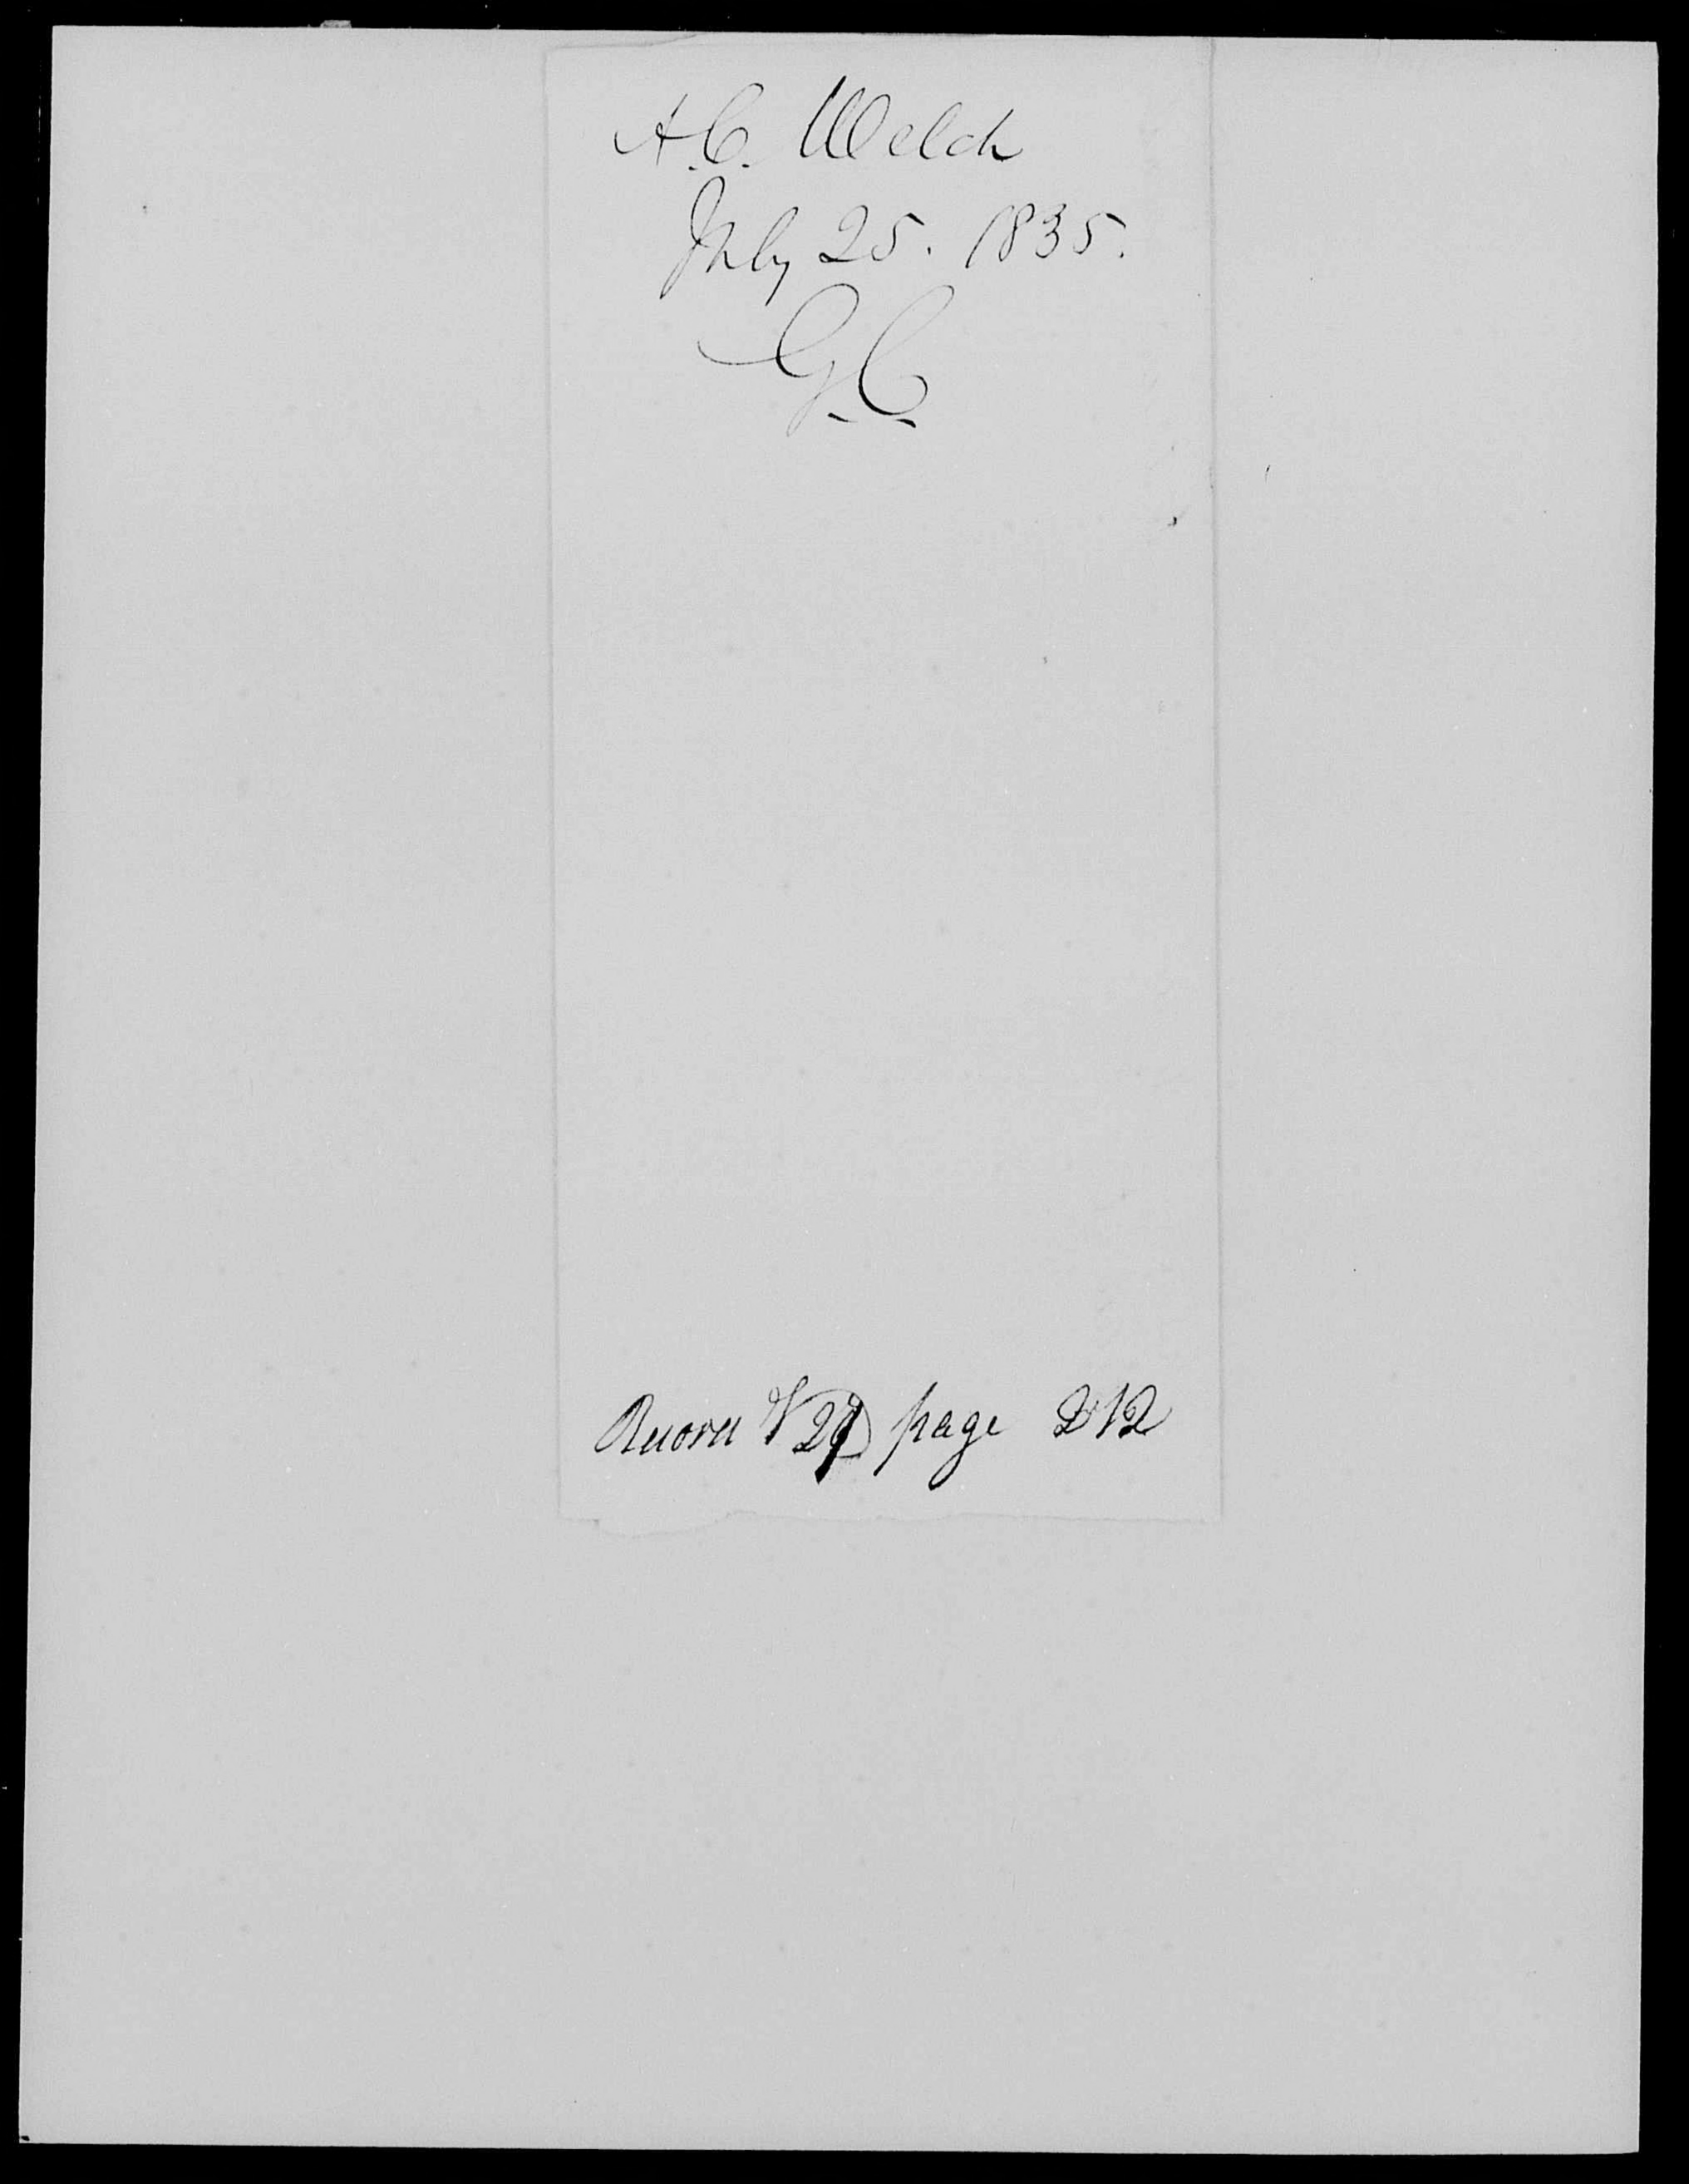A. C. Welch
July 25. 1835
G.C.
Record & 21 page 212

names: A C Welch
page: 3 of 4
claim: survivor's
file: S. 17222, for Azel Peck, Connecticut